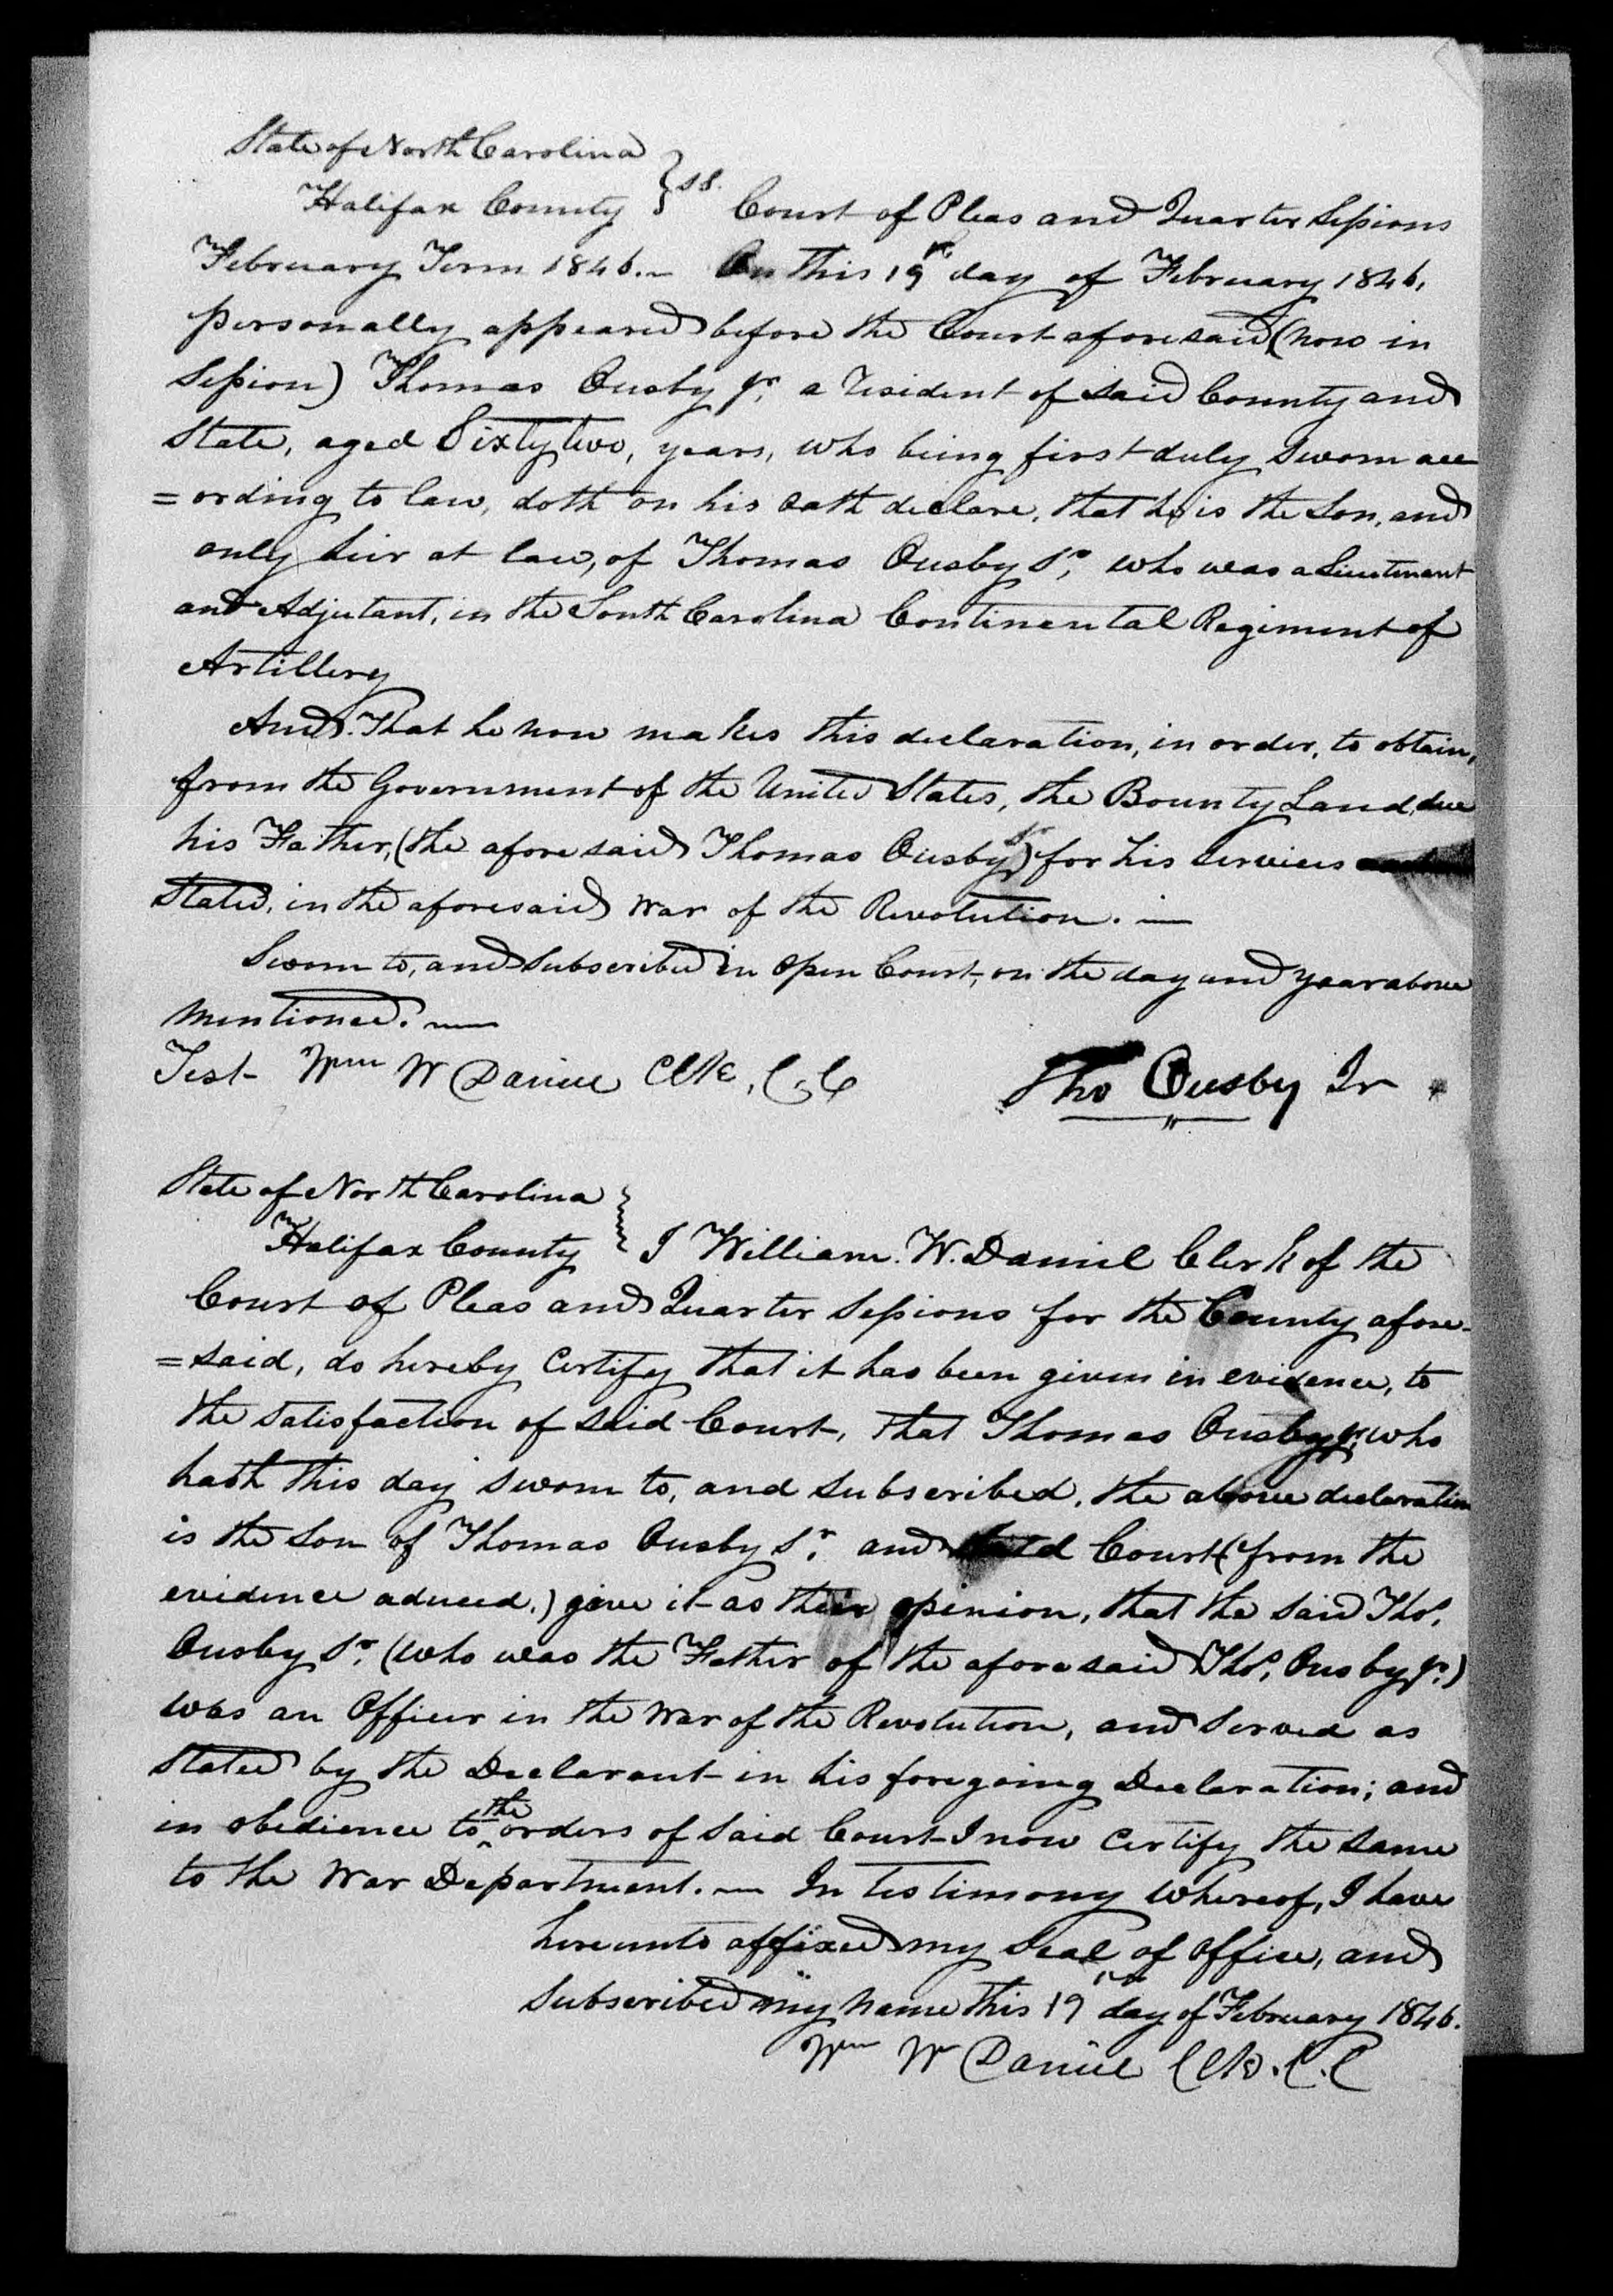State of North Carolina
Halifax County

Court of Please and Inor the Sepiosns
February Term 1846._ On this 19th day of February 1846, personally appeared before the Court aforesaid ([illegeible three words]) Thomas Ousby Jr a resident of said County and State, aged Sixtytwo, years, who being first duly sworn and = riding to law, doth on his oath declare, that he is the Son, and only heir at law, of Thomas Ousby Sr, who was a Lieutenant and Adjutant, in the South Carolina Continental Regiment of Artillery
And that he now makes this declaration, in order to obtain, from the Government of the United States, the Bounty Land due his Father, (the aforesaid Thomas Ousby Sr) for his services status in the aforesaid war of the Revolution. ____
Sworn to, and Subscribed in open Court on the day and year above mentioned. ____
Test Wm W Daniel Clerk, C, C
Thomas Ousby Jr

State of North Carolina
Halifax County
I William W. Daniel Clerk of the Court of Please and Quarter Sessions for its County aforesaid, do hereby certify that it has been given in evidence to the satisfaction of said Court, that Thomas Ousby Jr who hath this say sworn to and subscribed the above declaration is its son of Thomas Ousby Sr and [illegible] Court (from the evidence ordered) give it as their opinion, that the said Thomas Ousby Sr (who was the Father of the aforesaid Thomas Ousby Jr.) was an Officer in the War of the Revolution, and served as stated by the Declaration in his forgoing Declaration; and in obedience to the ordered of Said Court I now Certify the same to the War Department. __ In Testimony whereof I have hereunto affix my Seal of office, and Subscribed my name this 19th day of February 1846.
Wm W. Daniel Clerk, C,C.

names: Thomas Ousby; William W Daniel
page: 13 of 13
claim: bounty land warrant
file: B. L. Wt. 2455-200, for Thomas Ousby, South Carolina